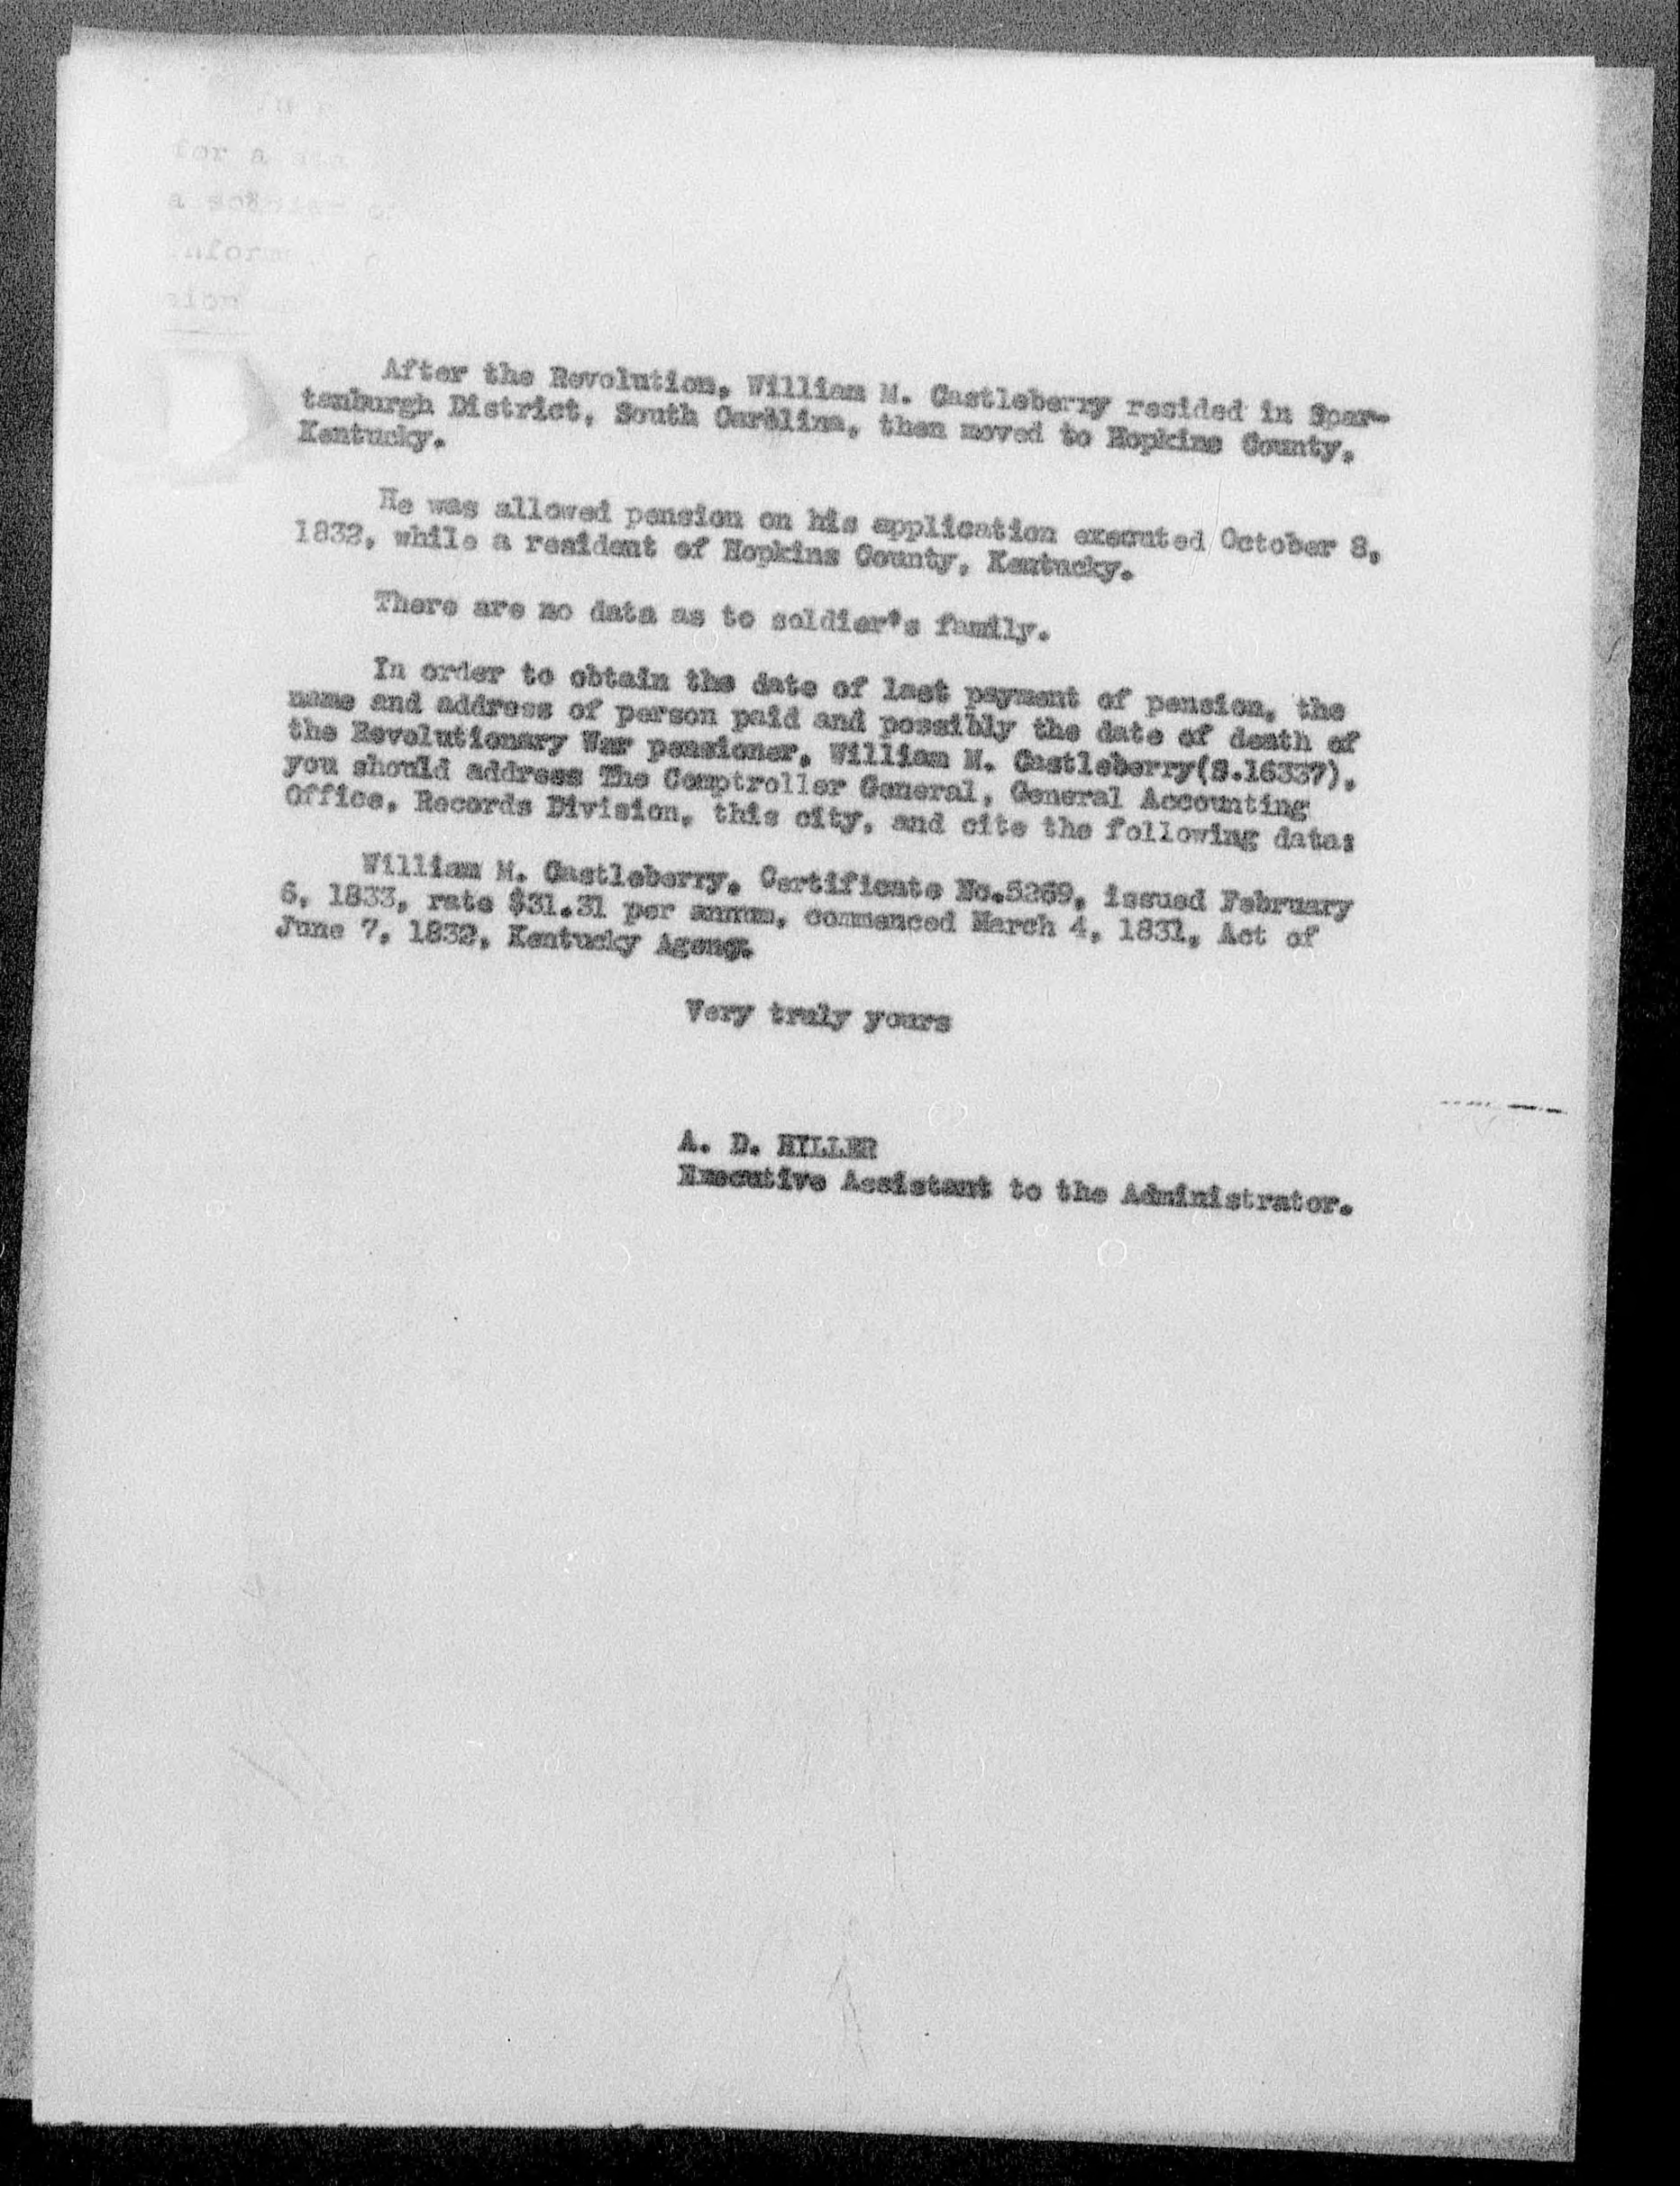After the Revolution, William M. Castleberry resided in Spartanburg District, South Carolina, then moved to Hopkins County, Kentucky.
He was allowed pension on his application executed October 8, 1832, while a resident of Hopkins County, Kentucky,
There are no data as to soldier's family.
In order to obtain the date of last payment of pension, the name and address of person paid and possibly the date of death of the Revolutionary War pensioner, William M. Castleberry (S.16337), you should address The Comptroller General, General Accounting Office, Records Division, this city, and cite the following data:
William M. Castleberry, Certificate No. 5269, issued February 6, 1833, rate $31.31 per annum, commenced March 4, 1831, Act of June 7, 1832, Kentucky Agency.
Very truly yours
A. D. HILLER
Executive Assistant to the Administrator.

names: A D Hiller, William M Castleberry, William M Castleberry, William M Castleberry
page: 18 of 20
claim: survivor's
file: S. 16,337, William M Castleberry, Ga.